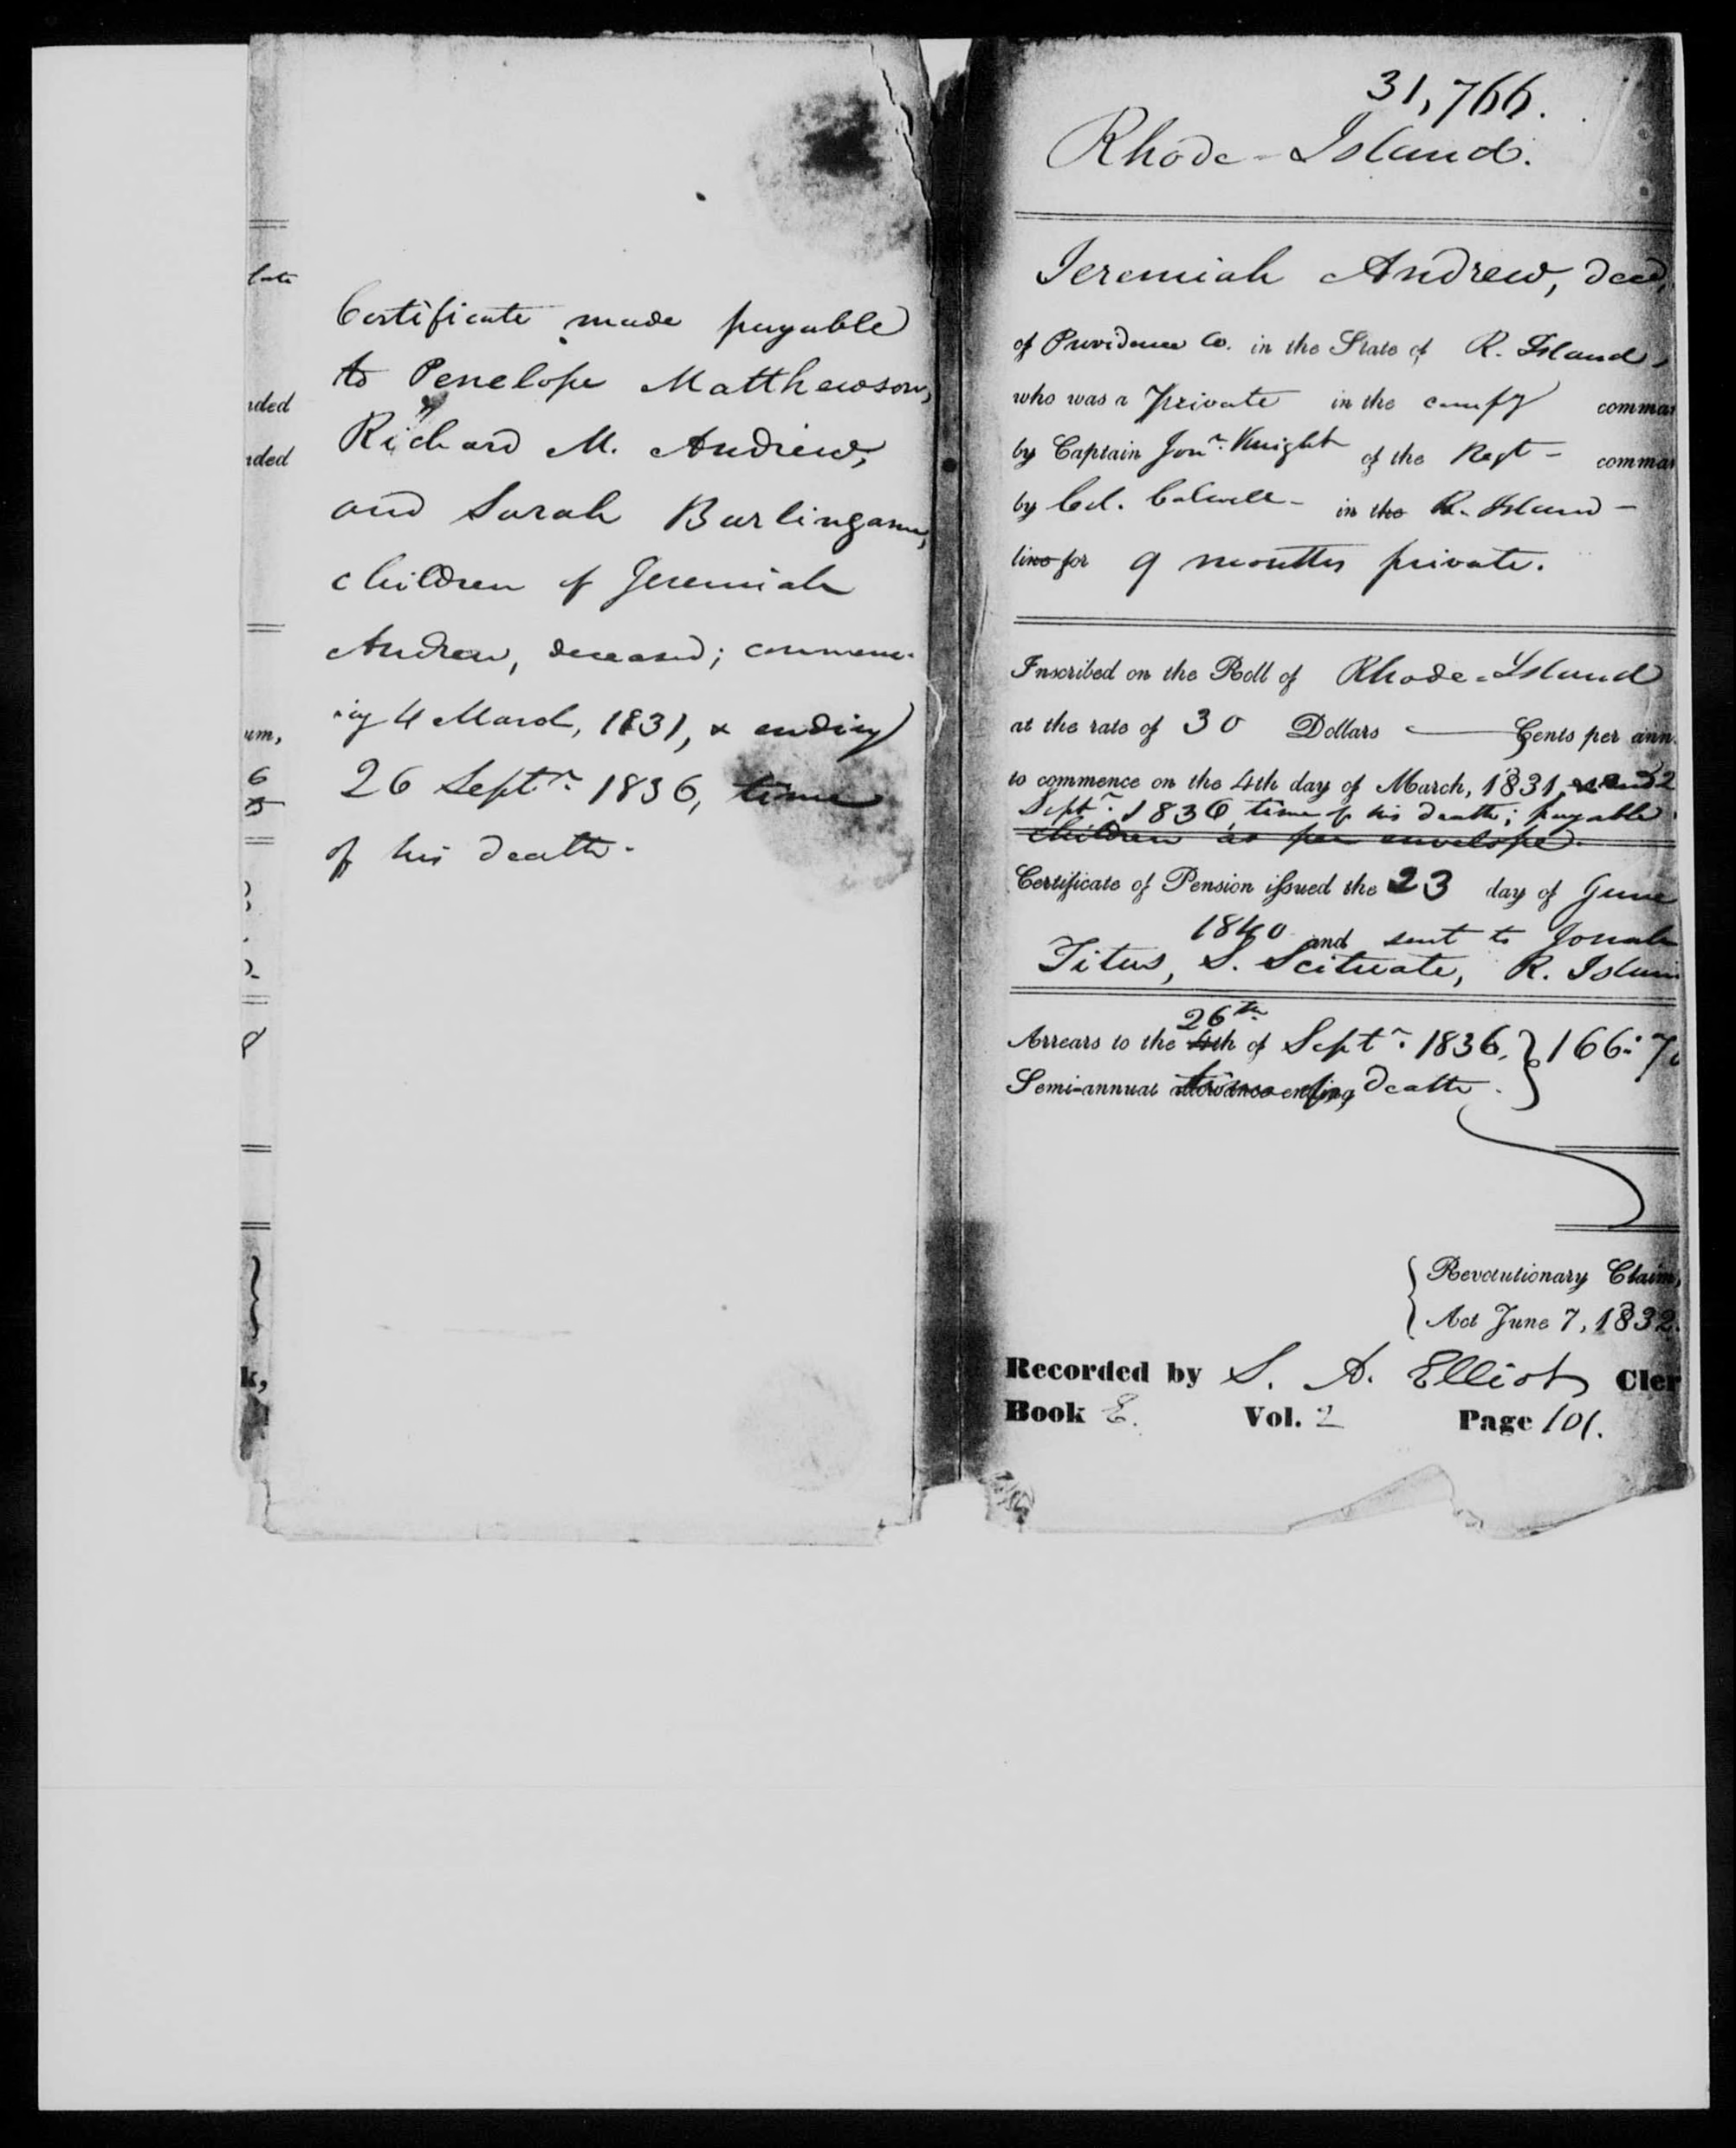[left side]
Certificate made payable
to Penelope Matthewson,
Richard M. Andrew,
and Sarah Burlingame
children of Jeremiah
Andrew, deceased, commencing
4 March, 1831, & ending
26 Septr 1836, time
of his death

[right side]
31,766
Rhode Island

Jeremiah Andrew, dead
of Providence Co. in the State of R. Island
who was a private in the compy comman[ded]
by Captain Jon Knight of the Regt. comman[ded]
by Col. Colwell, in the R. Island
line for 9 months private.

Inscribed on the Roll of Rhode Island
at the rate of 30 Dollars - Cents per ann[um]
to commence on the 4th day of March, 1831, and
Sept 1836 time of his death, payable
children as per envelope

Certificate of Pension issued the 23 day of June
1840 and sent to Jonah
Titus, S. Scituate, R. Island
-
Arrears to the [struck out: 4th] 26th of Sept. 1836, 
Semi-annual time of death:
166.70

Revolutionary Claim
Act June 7, 1832

Recorded by S.A. Elliot Cle[rk]
Book E. Vol. 2 Page 101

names: Richard M Andrew, Sarah Burlingame, Jonah Titus, Jeremiah Andrew, S A Elliot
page: 2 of 29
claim: survivor's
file: S 21602, Jeremiah Andrew, R.I.